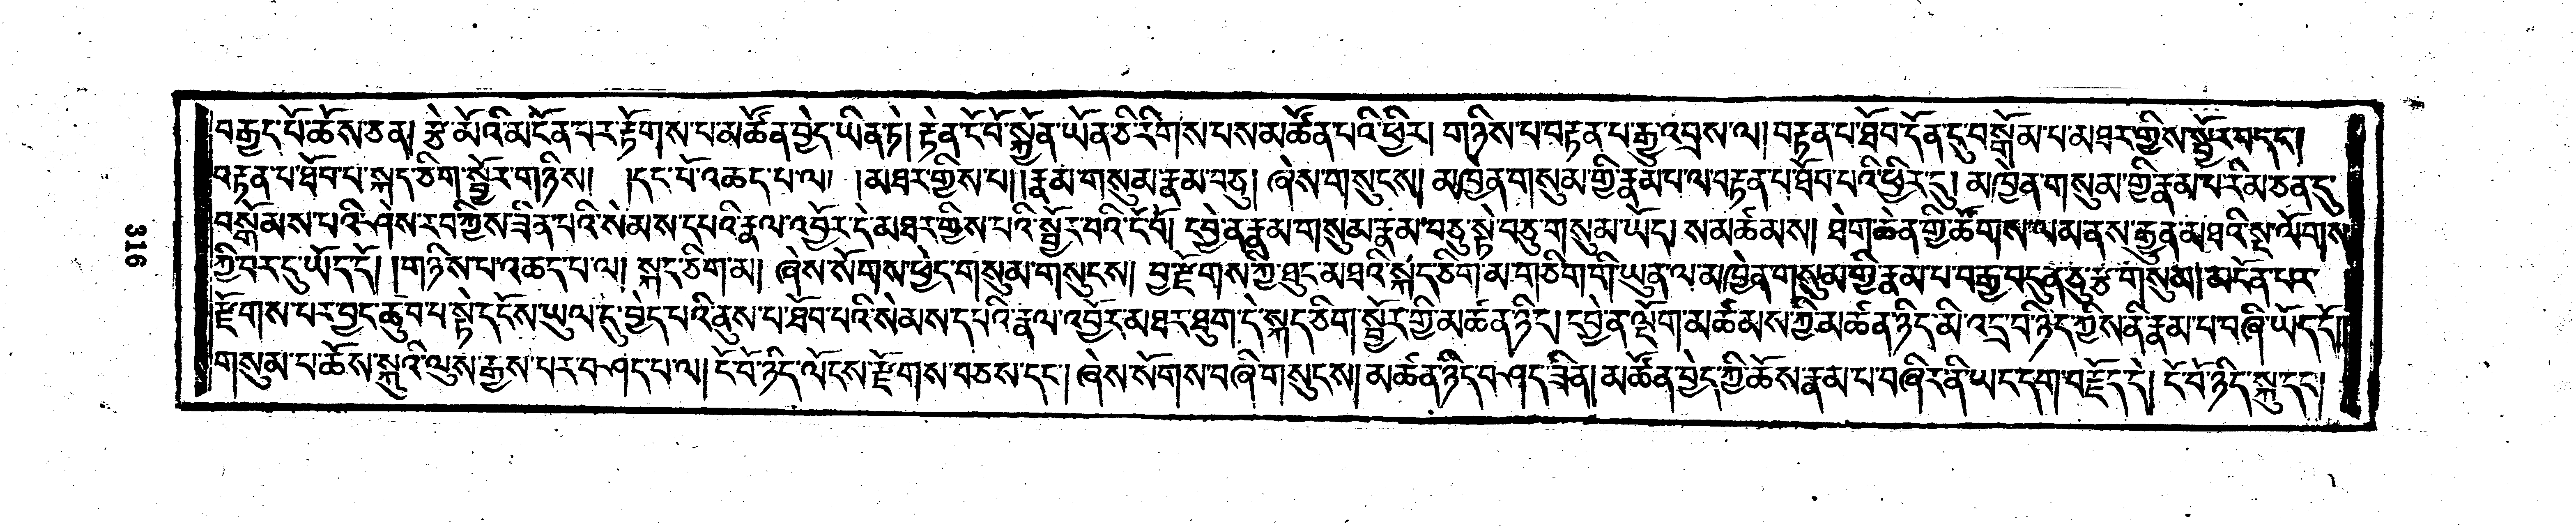བརྒྱད་པོ་ཆོས་ཅན། རྩེ་མོའི་མངོན་པར་རྟོགས་པ་མཚོན་བྱེད་ཡིན་ཏེ། རྟེན་ངོ་བོ་སྐྱོན་ཡོན་ཅི་རིགས་པས་མཚོན་པའི་ཕྱིར། གཉིས་པ་བརྟན་པ་རྒྱུ་འབྲས་ལ། བརྟན་པ་ཐོབ་དོན་དུ་བསྒོམ་པ་མཐར་གྱིས་སྦྱོར་བ་དང་།
བརྟན་པ་ཐོབ་པ་སྐད་ཅིག་སྦྱོར་གཉིས། །དང་པོ་འཆད་པ་ལ། །མཐར་གྱིས་པ། །རྣམ་གསུམ་རྣམ་བཅུ། ཞེས་གསུངས། མཁྱེན་གསུམ་གྱི་རྣམ་པ་ལ་བརྟན་པ་ཐོབ་པའི་ཕྱིར་དུ། མཁྱེན་གསུམ་གྱི་རྣམ་པ་རིམ་ཅན་དུ་
བསྒོམས་པའི་ཤེས་རབ་ཀྱིས་ཟིན་པའི་སེམས་དཔའི་རྣལ་འབྱོར་དེ་མཐར་གྱིས་པའི་སྦྱོར་བའི་ངོ་བོ། དབྱེ་ན་རྣམ་གསུམ་རྣམ་བཅུ་སྟེ་བཅུ་གསུམ་ཡོད། ས་མཚམས། ཐེག་ཆེན་གྱི་ཚོགས་ལམ་ནས་རྒྱུན་མཐའི་སྔ་ལོགས་
ཀྱི་བར་དུ་ཡོད་དོ། །གཉིས་པ་འཆད་པ་ལ། སྐད་ཅིག་མ། ཞེས་སོགས་ཕྱེད་གསུམ་གསུངས། བྱ་རྫོགས་ཀྱི་ཐུང་མཐའི་སྐད་ཅིག་མ་གཅིག་གི་ཡུན་ལམ་མཁྱེན་གསུམ་གྱི་རྣམ་པ་བརྒྱ་བདུན་ཅུ་རྩ་གསུམ། མངོན་པར་
རྫོགས་པར་བྱང་ཆུབ་པ་སྟེ་དངོས་ཡུལ་དུ་བྱེད་པའི་ནུས་པ་ཐོབ་པའི་སེམས་དཔའི་རྣལ་འབྱོར་མཐར་ཐུག་དེ་སྐད་ཅིག་སྦྱོར་གྱི་མཚན་ཉིད། དབྱེ་ན་ལྡོག་མཚམས་ཀྱི་མཚན་ཉིད་མི་འདྲ་བ་ཉིད་ཀྱིས་ནི་རྣམ་པ་བཞི་ཡོད་དོ།
གསུམ་པ་ཆོས་སྐུའི་ལུས་རྒྱས་པར་བཤད་པ་ལ། ངོ་བོ་ཉིད་ལོངས་རྫོགས་བཅས་དང་། ཞེས་སོགས་བཞི་གསུངས། མཚན་ཉིད་བཤད་ཟིན། མཚོན་བྱེད་ཀྱི་ཆོས་རྣམ་པ་བཞིར་ནི་ཡང་དག་བརྗོད་དེ། ངོ་བོ་ཉིད་སྐུ་དང་།